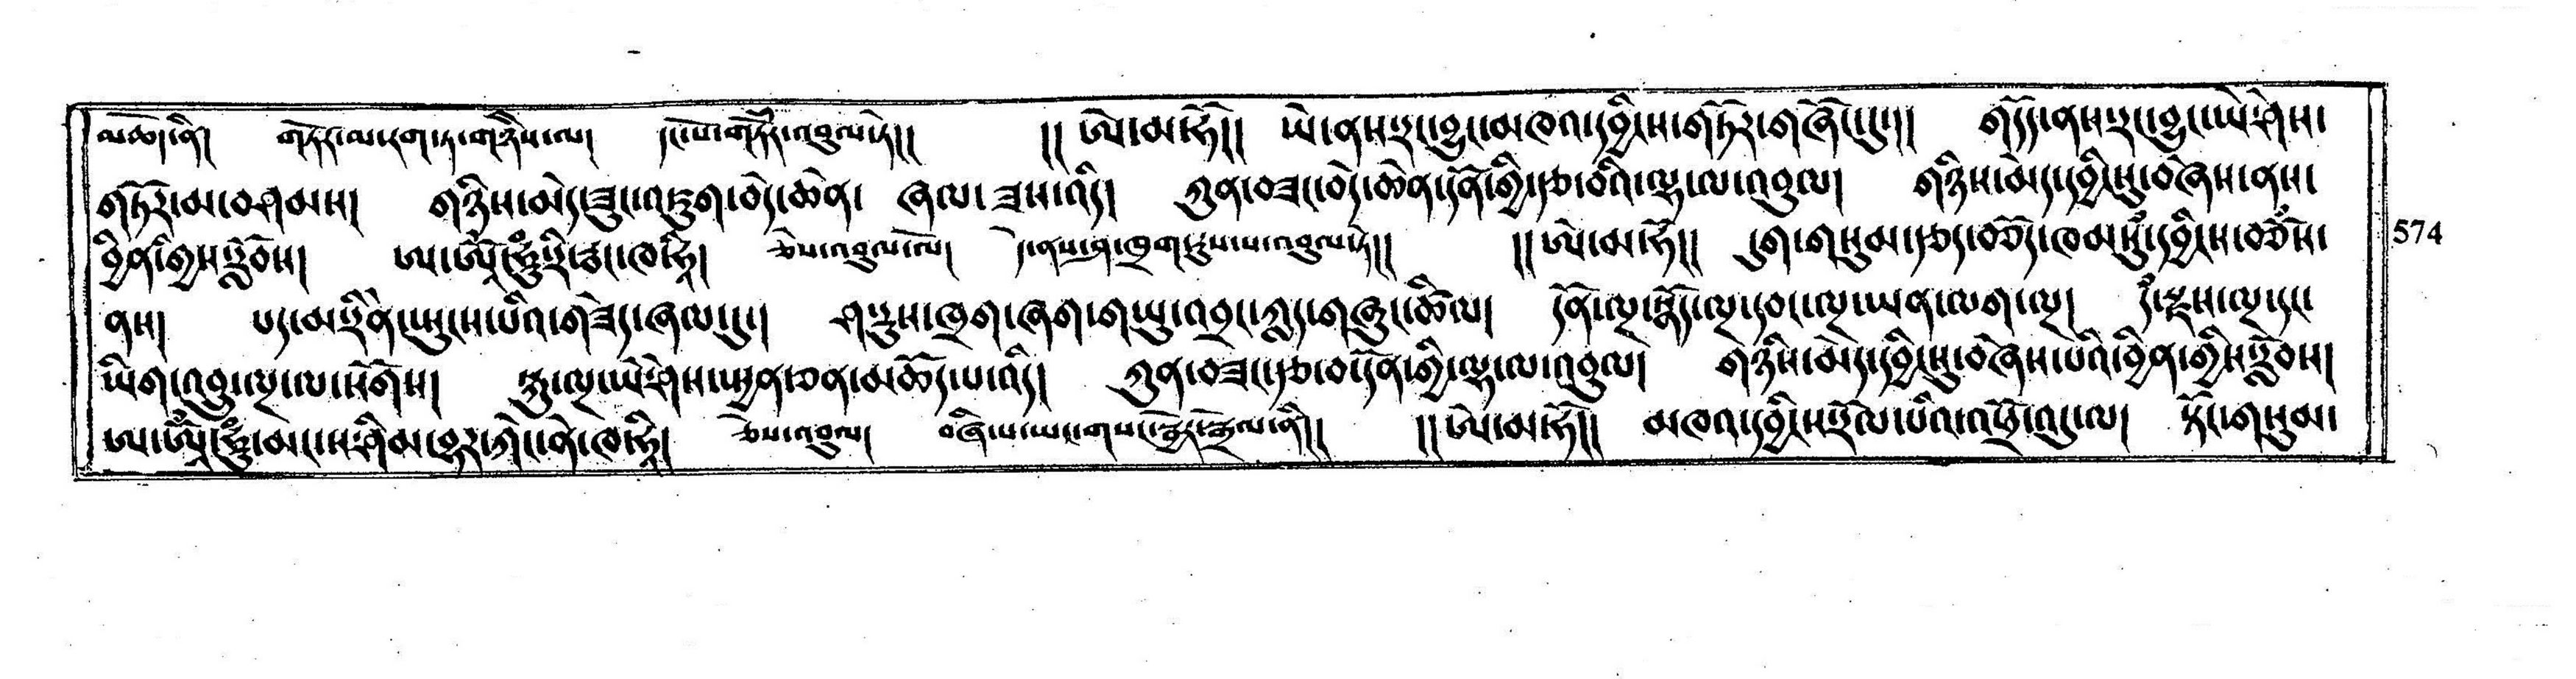མཆོད་ནི། གཏོར་མ་རག་ཏ་གཉིས་ལ། དང་པོ་གཏོར་མ་འབུལ་ཏེ།། །།ཨེ་མ་ཧོ།། ཡེ་ནས་རང་བྱུང་མཁའ་དབྱིངས་གཏོར་གཞོང་དུ།། གདོད་ནས་རང་བྱུང་ཡེ་ཤེས་
གཏོར་མ་བཤམས། གཉིས་མེད་ཟུང་འཇུག་བདེ་ཆེན་ཞལ་ཟས་འདི། ཀུན་བཟང་བདེ་ཆེན་དོན་གྱི་རྩ་བའི་ལྷ་ལ་འབུལ། གཉིས་མེད་དབྱིངས་སུ་བཞེས་ནས་
བྱིན་གྱིས་རློབས། ཨ་ཨཱོཾ་ཧཱུཾ་རི་རྦང་ཁ་ཧཱི། ཅེས་འབུལ་ལོ། དེ་ནས་ཤ་ཁྲག་རུས་པ་འབུལ་ཏེ།། །།ཨེ་མ་ཧོ།། དུག་གསུམ་རྩད་བཅོད་ཁམས་གསུམ་དབྱིངས་བཅོམས་
ནས། པད་མ་རིན་ཆེན་སྤུངས་པའི་གཟེད་ཞལ་དུ། ཤ་རུས་ཁྲག་ཞག་གཡུ་འབྲང་ཀླད་གཞུང་ཚིལ། དོན་ལྔ་སྣོད་ལྔ་དབང་ལྔ་ཡན་ལག་ལྔ། དམ་རྫས་ལྔ་དང་
ཡིག་འབྲུ་ལྔ་ལ་སོགས། སྐུ་ལྔ་ཡེ་ཤེས་སྤྱན་ཅན་མཆོད་པ་འདི། ཀུན་བཟང་རྩ་བ་དོན་གྱི་ལྷ་ལ་འབུལ། གཉིས་མེད་དབྱིངས་སུ་བཞེས་པའི་བྱིན་གྱིས་རློབས། 
ཨ་ཨཱོཾ་ཧཱུཾ་མང་ས་ཤིམ་བྷར་ཀེང་ནེ་ཁ་ཧཱི། ཅེས་འབུལ།བཞི་པ་ཡང་གསང་སྦྱོར་སྒྲོལ་ནི།། །།ཨེ་མ་ཧོ།། མཁའ་དབྱིངས་རོལ་པའི་འཕྲོ་འདུ་ལ། སྟོང་གསུམ་